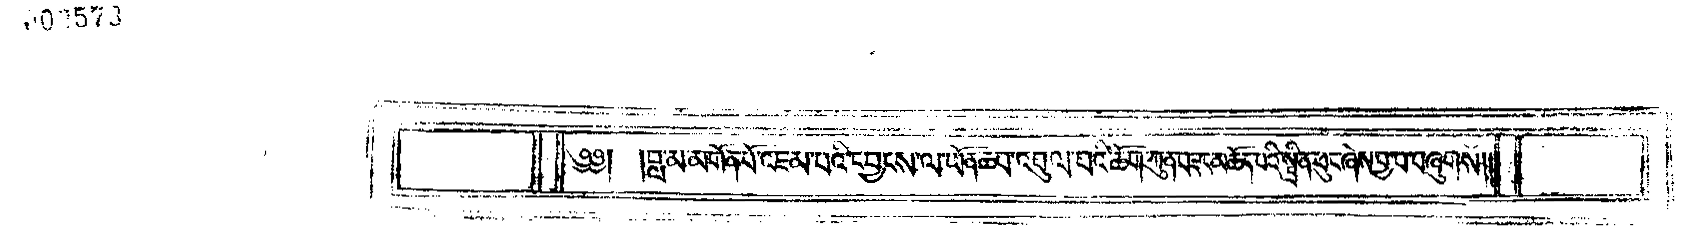༄༅། །བླ་མ་མགོན་པོ་འཇམ་པའི་དབྱངས་ལ་ཡོན་ཆབ་འབུལ་བའི་ཆོ་ག་ཀུན་བཟང་མཆོད་པའི་སྤྲིན་ཕུང་ཞེས་བྱ་བ་བཞུགས་སོ། །